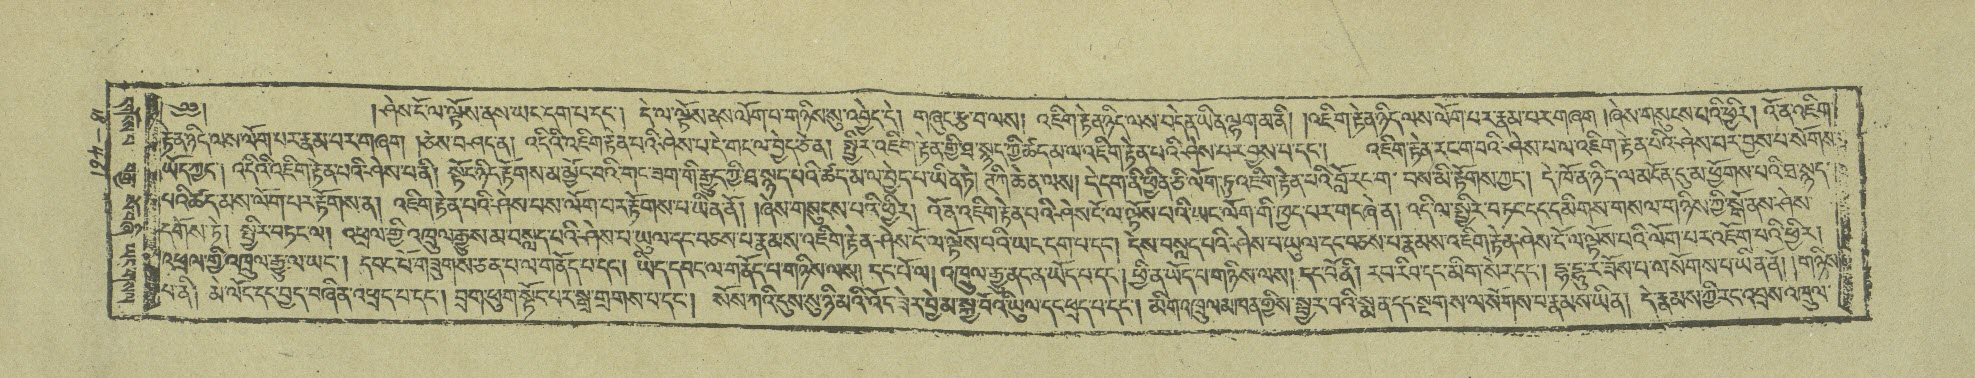༄༅། །ཤེས་ངོ་ལ་ལྟོས་ནས་ཡང་དག་པ་དང་། དེ་ལ་ལྟོས་ནས་ལོག་པ་གཉིས་སུ་འབྱེད་དེ། གཞུང་རྩ་བ་ལས། འཇིག་རྟེན་ཉིད་ལས་བདེན་ཡིན་ལྷག་མ་ནི། །འཇིག་རྟེན་ཉིད་ལས་ལོག་པར་རྣམ་པར་གཞག །ཞེས་གསུངས་པའི་ཕྱིར། འོ་ན་འཇིག་
རྟེན་ཉིད་ལས་ལོག་པར་རྣམ་པར་གཞག །ཅེས་བཤད་ན། འདིའི་འཇིག་རྟེན་པའི་ཤེས་པ་དེ་གང་ལ་བྱེད་ཅེ་ན། སྤྱིར་འཇིག་རྟེན་གྱི་ཐ་སྙད་ཀྱི་ཚད་མ་ལ་འཇིག་རྟེན་པའི་ཤེས་པར་བྱས་པ་དང་། འཇིག་རྟེན་རང་ག་བའི་ཤེས་པ་ལ་འཇིག་རྟེན་པའི་ཤེས་པར་བྱས་པ་སོགས་
ཡོད་ཀྱང་། འདིའི་འཇིག་རྟེན་པའི་ཤེས་པ་ནི། སྟོང་ཉིད་རྟོགས་མ་མྱོང་བའི་གང་ཟག་གི་རྒྱུད་ཀྱི་ཐ་སྙད་པའི་ཚད་མ་ལ་བྱེད་པ་ཡིན་ཏེ། ཊིཀ་ཆེན་ལས། དེ་དག་ནི་ཕྱིན་ཅི་ལོག་ཏུ་འཇིག་རྟེན་པའི་བློ་རང་ག་བས་མི་རྟོགས་ཀྱང་། དེ་ཁོ་ན་ཉིད་ལ་མངོན་དུ་མ་ཕྱོགས་པའི་ཐ་སྙད་
པའི་ཚད་མས་ལོག་པར་རྟོགས་ན། འཇིག་རྟེན་པའི་ཤེས་པས་ལོག་པར་རྟོགས་པ་ཡིན་ནོ། །ཞེས་གསུངས་པའི་ཕྱིར། འོ་ན་འཇིག་རྟེན་པའི་ཤེས་ངོ་ལ་ལྟོས་པའི་ཡང་ལོག་གི་ཁྱད་པར་གང་ཞེ་ན། འདི་ལ་སྤྱིར་བཏང་དང་དམིགས་གསལ་གཉིས་ཀྱི་སྒོ་ནས་ཤེས་
དགོས་ཏེ། སྤྱིར་བཏང་ལ། འཕྲལ་གྱི་འཁྲུལ་རྒྱུས་མ་བསླད་པའི་ཤེས་པ་ཡུལ་དང་བཅས་པ་རྣམས་འཇིག་རྟེན་ཤེས་ངོ་ལ་ལྟོས་པའི་ཡང་དག་པ་དང་། དེས་བསླད་པའི་ཤེས་པ་ཡུལ་དང་བཅས་པ་རྣམས་འཇིག་རྟེན་ཤེས་ངོ་ལ་ལྟོས་པའི་ལོག་པར་འཇོག་པའི་ཕྱིར།
འཕྲལ་གྱི་འཁྲུལ་རྒྱུ་ལ་ཡང་། དབང་པོ་གཟུགས་ཅན་པ་ལ་གནོད་པ་དང་། ཡིད་དབང་ལ་གནོད་པ་གཉིས་ལས། དང་པོ་ལ། འཁྲུལ་རྒྱུ་ནང་ན་ཡོད་པ་དང་། ཕྱི་ན་ཡོད་པ་གཉིས་ལས། དང་པོ་ནི། རབ་རིབ་དང་མིག་སེར་དང་། དྷ་དྷུ་ར་ཟོས་པ་ལ་སོགས་པ་ཡིན་ནོ། །གཉིས་
པ་ནི། མེ་ལོང་དང་བྱད་བཞིན་འཕྲད་པ་དང་། བྲག་ཕུག་སྟོང་པར་སྒྲ་གྲགས་པ་དང་། སོས་ཀའི་དུས་སུ་ཉི་མའི་འོད་ཟེར་བྱེ་མ་སྐྱ་བོའི་ཡུལ་དང་ཕྲད་པ་དང་། མིག་འཁྲུལ་མཁན་གྱིས་སྦྱར་བའི་སྨན་དང་སྔགས་ལ་སོགས་པ་རྣམས་ཡིན། དེ་རྣམས་ཀྱི་རང་འབྲས་འཁྲུལ་